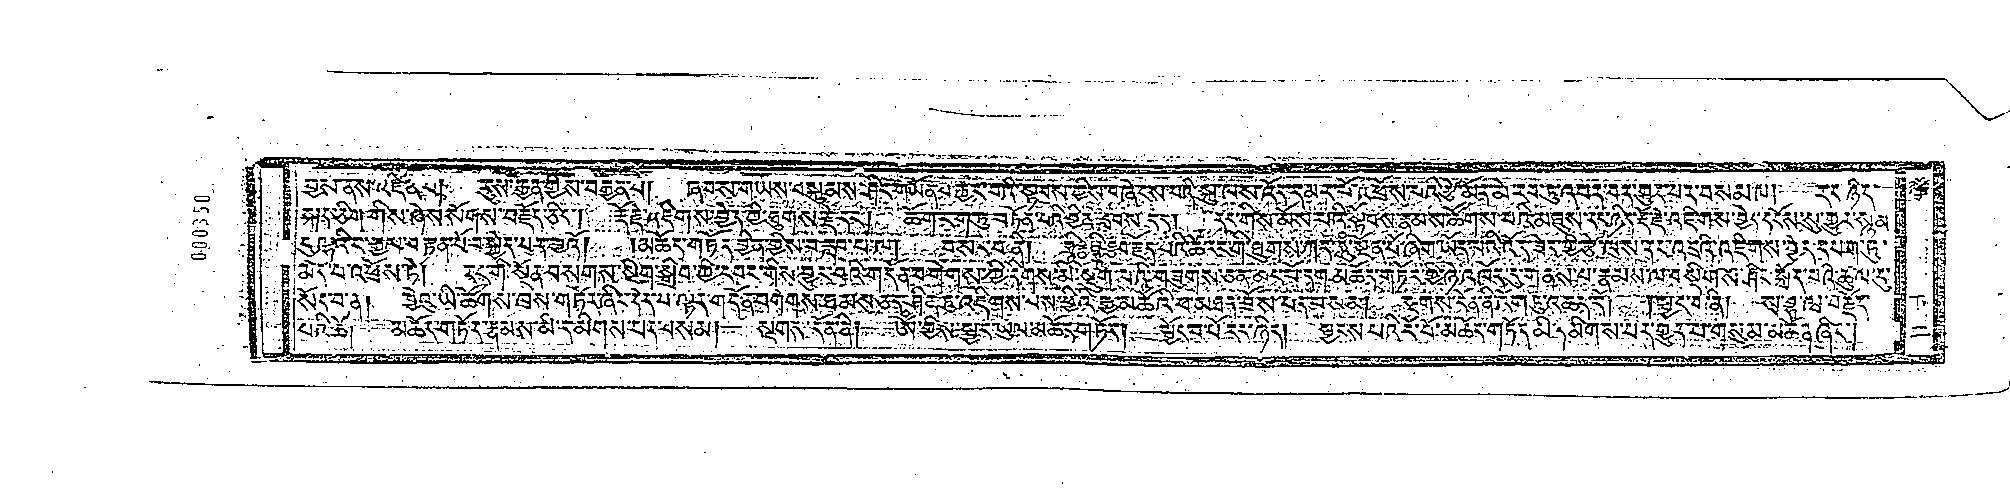བྱས་ནས་འཛིན་པ། རུས་རྒྱན་གྱིས་བརྒྱན་པ། ཞབས་གཡས་བསྐུམས་ཤིང་གཡོན་བརྐྱང་བའི་སྟབས་ཀྱིས་བཞེངས་པའི་སྐུ་ལས་འོད་དམར་པོ་འཕྲོས་པའི་རྩེ་མོར་མེ་རབ་ཏུ་འབར་བར་གྱུར་པར་བསམ་ལ། རང་ཉིད་
སྐད་ཅིག་གིས་ཞེས་སོགས་བརྗོད་ཅིང་། རྡོ་རྗེ་འཇིགས་བྱེད་ཀྱི་ཐུགས་རྗེ་དང་། ཆོ་ག་ངག་ཏུ་བཏོན་པའི་བྱིན་རླབས་དང་། རང་གིས་མོས་པའི་སྟོབས་རྣམས་ཚོགས་པའི་མཐུས་རང་ཉིད་རྡོ་རྗེ་འཇིགས་བྱེད་དངོས་སུ་གྱུར་སྙམ་
དུ་ལྷའི་ང་རྒྱལ་བརྟན་པོ་བསྐྱེད་པར་བྱའོ། །མཆོད་གཏོར་བྱིན་གྱིས་བརླབ་པ་ལ། བསང་བ་ནི། ཧྲཱིཿ་ཥྚཱིཿ་བརྗོད་པའི་ཚེ་རང་གི་ཐུགས་ཀར་ཧཱུཾ་སྔོན་པོ་ཞིག་ཡོད་པའི་འོད་ཟེར་གྱི་རྩེ་ལས་རང་འདྲའི་འཇིགས་བྱེད་དཔག་ཏུ་
མིད་པ་འཕྲོས་ཏེ། རང་གི་སྔོན་བསགས་སྡིག་སྒྲིབ་ཀྱི་དབང་གིས་བྱུང་བའི་གདོན་བགེགས་ཀྱི་རིགས་མི་སྡུག་པའི་གཟུགས་ཅན་མང་པོ་དག་མཆོད་གཏོར་གྱི་ཉེ་འཁོར་དུ་གནས་པ་རྣམས་ལ་བསྡིགས་ཤིང་སྐྲོད་པའི་ཚུལ་དུ་
སོང་བ་ན། བྱེའུ་ཡི་ཚོགས་ཁྲས་གཏོར་ཞིང་དེད་པ་ལྟར་གདོན་བགེགས་ཐམས་ཅད་ཤིན་ཏུ་འཇིགས་པས་ཕྱིའི་རྒྱ་མཚོའི་ཕ་མཐར་བྲོས་པར་བསམ། སྔགས་དོན་ནི་འོག་ཏུ་འཆད་དོ། །སྦྱང་བ་ནི། སྭ་བྷ་ཝ་བརྗོད་
པའི་ཚེ། མཆོད་གཏོར་རྣམས་མི་དམིགས་པར་བསམ། སྔགས་དོན་ནི། ཨོཾ་གྱིས་སྦྱང་ཡུལ་མཆོད་གཏོར། སྦྱོད་བ་པོ་རང་ཉིད། སྦྱངས་པའི་ངོ་བོ་མཆོད་གཏོར་མི་དམིགས་པར་གྱུར་པ་གསུམ་མཚོན་ཞིང་།